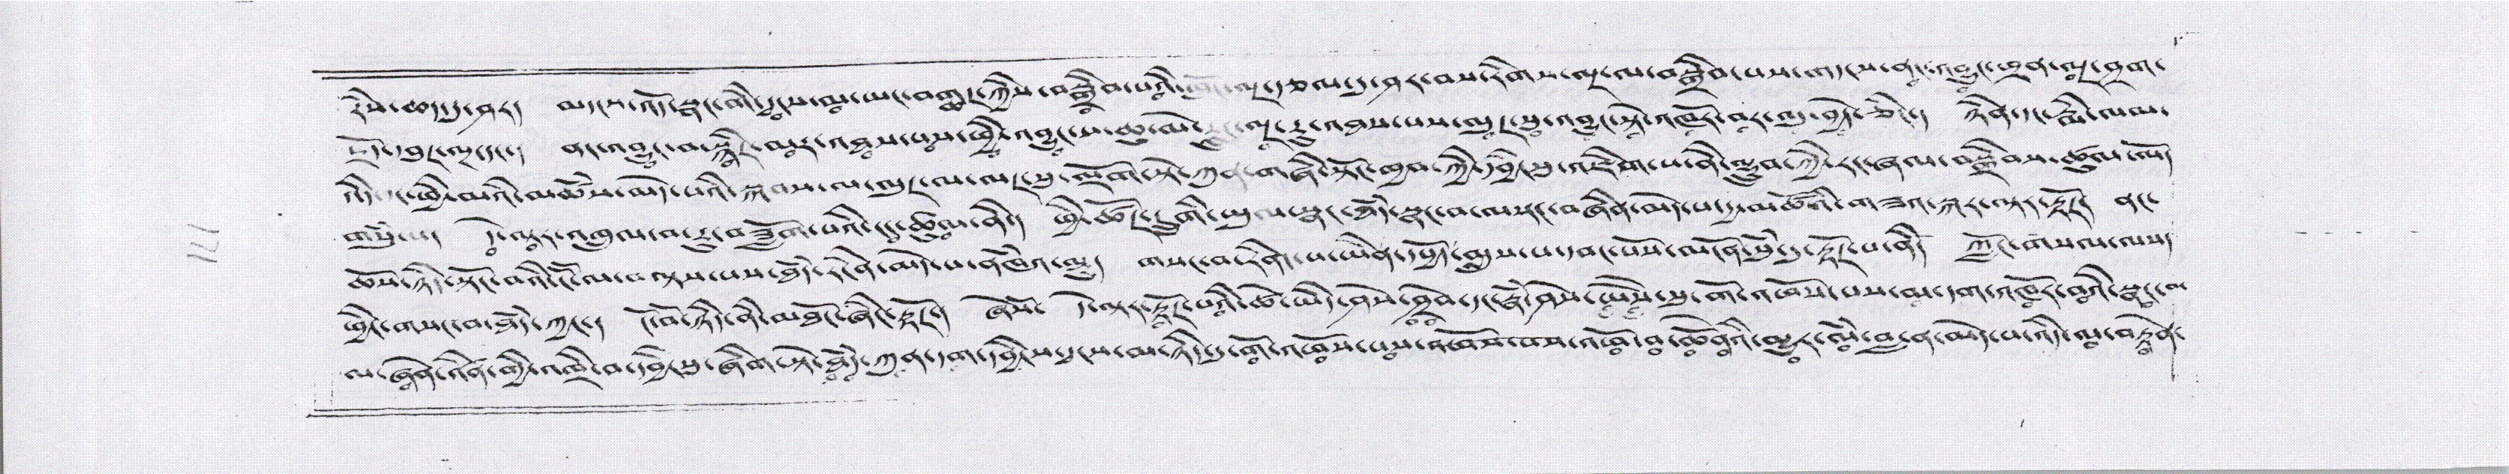རིས་ཆད་དུ་ཤར། མདངས་འོད་སྣང་གི་དྭངས་མ་ཡང་བག་ཆགས་ཀྱིས་བསྒྲིབས་པའི་ཕུང་པོ་ལྔ་རྩལ་དུ་ཤར་བས་རིགས་ལྔ་ལ་བསྒྲིབས་པས་གདངས་ནང་འབྱུང་ཕྲན་ལྔ་ཤ་ཁྲག་
སྲོག་དབུགས་ལྔ་དང་། ནང་འབྱུང་བ་སྙིང་མར་འཐས་པས་ཕྱི་འབྱུང་ས་ཆུ་མེ་རླུང་ལྔ་རུ་འཐས་པས་ལུགས་སུ་འབྱུང་སྟེ་འཁོར་བར་འདུ་བྱེད་ཅིང་། ཉིན་དང་རྨི་ལམ་
འདི་དང་ཕྱི་མའི་མཚམས་མེད་པའི་སྐབས་ལ་ལུགས་ལ་ལུགས་སུ་ལྡོག་སྟེ་ཀུན་གཞི་སྟོང་ཁྱབ་ཀྱི་དབྱིངས་སུ་འཇིག་པ་ནི་ལྷུན་གྲུབ་ཀྱི་རང་ཞལ་བསྒྲིབས་ཚུལ་ལོ། 
གསུམ་པ། དེ་ལྟར་འཁྲུལ་པ་རུ་བཟློག་པའི་ངང་ཚུལ་ནི། ཕྱི་ཚོགས་དྲུག་གི་ཡུལ་སྣང་ཐམས་ཅད་སྣང་བ་ལ་རང་བཞིན་མེད་པ་རྒྱ་མཚོའི་གཟའ་སྐར་ལྟར་རྟོགས། ནང་
ཆོས་ཉིད་སྟོང་པའི་ངོ་བོ་ལ་བལྟས་པས་ཐམས་ཅད་རང་བཞིན་མེད་པ་ནམ་མཁའ་ལྟ་བུ། གསང་བ་རིག་པ་ཡིན་དཔྱོད་མ་ལུས་པ་དབང་པོས་མངོན་སུམ་རྟོགས་པ་ནི། ཀློང་གསལ་ལས། 
ཕྱི་ནང་གསང་བ་ཐམས་ཅད་ཀྱང་། ངོ་བོ་ཉིད་ནི་མཐོང་ཞིང་རྟོགས། ཞེས་སོ། དེ་ལྟར་རྟོགས་པའི་ཚེ་ཡིད་ཤེས་ཤེས་རབ་དང་རྣམ་ཤེས་སུ་གོ་འཕོས་པས་མ་དག་འཁོར་བའི་སྣང་བ་
ལ་ཞེན་འཛིན་གྱི་འཁྲི་བ་དབྱིངས་སུ་ཞིག་སྟེ། ཐམས་ཅད་ཀུན་དག་དབྱིངས་དྭངས་མ་ཉིད་དུ་གོ་འཕོས་པས་འཕོ་བ་ཆེན་པོའི་མྱུར་ལམ་བླ་ན་མེད་པ་འདི་ལ་བརྟེན་